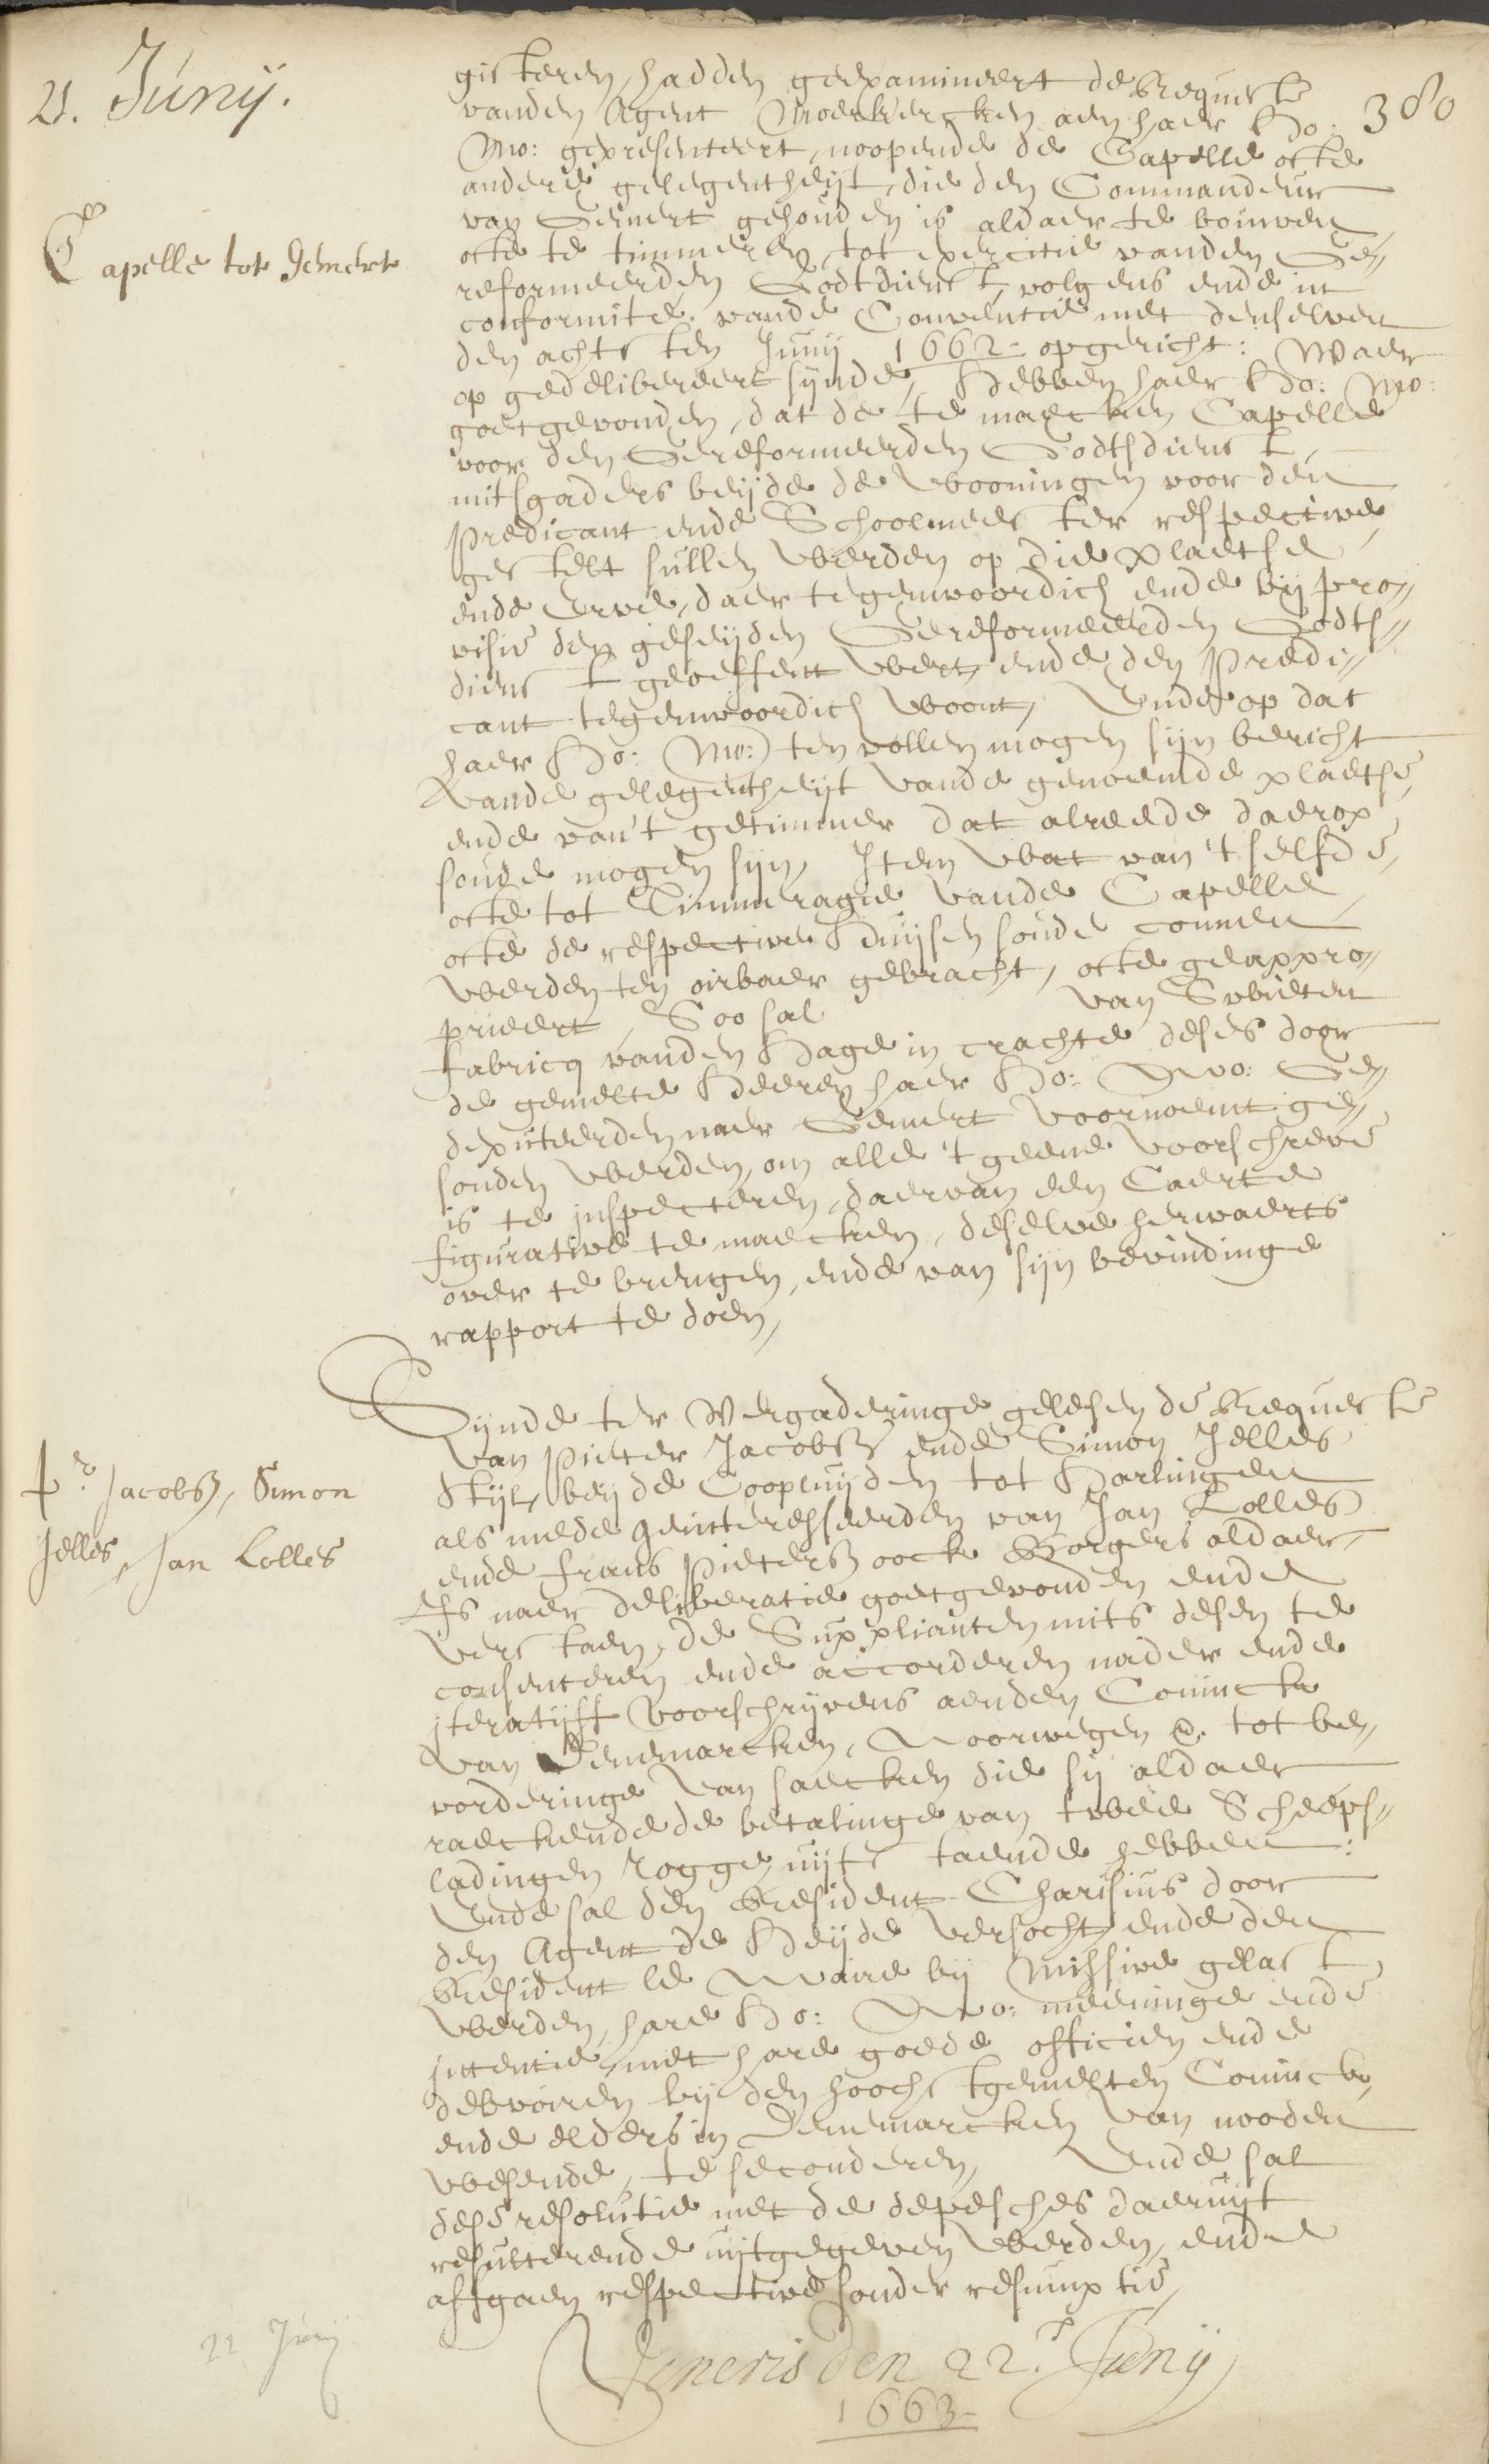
380
21. Junij.
Capelle tot Gemert
gisteren, hadden geexamineert de Requeste
vanden Agent Moerkercken aen haer Ho:
Mo: gepresenteert, noopende de Capelle ofte
andere gelegentheijt, die den Commandeur
van Gemert ghouden is aldaer te bouwen,
ofte te timmeren, tot exercitie vanden Ge,,
reformeerden Godtdienst, volgens ende in
conformité van de Conventie met denselven
den achtsten Junij 1662 opgericht: Waer
op gedelibereert sijnde, Hebben haer Ho:Mo:
goetgevonden, dat de te maecken Capelle
voor den Gereformeerden Godtsdienst, —
mitsgaders beijde de Wooningen voor den
Predicant ende Schoolmeester respective
gestelt sullen werden op die Plaetse
ende Erve, daer tegenwoordich ende bij pro,,
visie den geseijden Gereformeerden Godts,,
dienst geoeffent wert, ende den Predi,,
cant tegenwoordich woont. Ende op dat
haer Ho:Mo: ten vollen mogen sijn bericht
vande gelegentheijt vande genoemde plaetse,
ende van't getimmer dat alreede daerop
soude mogen sijn. Item wat van 't selfde
ofte tot Timmeragie vande Capelle,
ofte de respective Huijsen soude connen
werden ten oirbaer gebracht, ofte geappro,,
prieert, Soo sal van Swieten
fabricq vanden Hage in crachte deses door
de gemelte Heeren haer Ho:Mo: Ge,,
deputeerden naer Gemert voornoemt ge,,
sonden werden, om alle 't geene voorschreve
is te inspecteren, daervan een Caerte
figurative te maecken, deselve herwaerts
over te brengen, ende van sijn bevindinge
rapport te doen.
Pr. Jacobsz, Simon
Jelles, Jan Lolles
Sijnde ter Vergaderinge gelesen de Requeste
van Pieter Jacobsz ende Simon Jelles
Stijl, beijde Coopluijden tot Harlingen
als mede geinteresseerden van Jan Lolles
ende Frans Pieters oock Borgers aldaer.
Is naer deliberatie goetgevonden ende
verstaen, de Supplianten mits desen te
consenteren ende accorderen nader ende
Iteratijff voorschrijvens aen den Coninck
van Dennemarcken, Noorwegen & tot be,,
vorderinge van seacken die sij aldaer
raeckende de betalinge van twee Scheeps,,
ladingen rogge, uijtstaende hebben:
Ende sal den Resident Charisius door
den Agent de Heijde versocht, ende den
Resident le Maire bij missive gelast
werden, hare Ho:Mo: meeninge ende
intentie, met hare goede officien ende
debvoiren bij den hoochsgemelten Coninck,
ende elders in Denemarcken van nooden
wesende, te seconderen. Ende sal
dese resolutie met de depesches daeruijt
resulterende uijtgegeven werden, ende
affgaen respective sonder resumptie.
21 Junij
Veneris den 22e. Junij,
1663.
